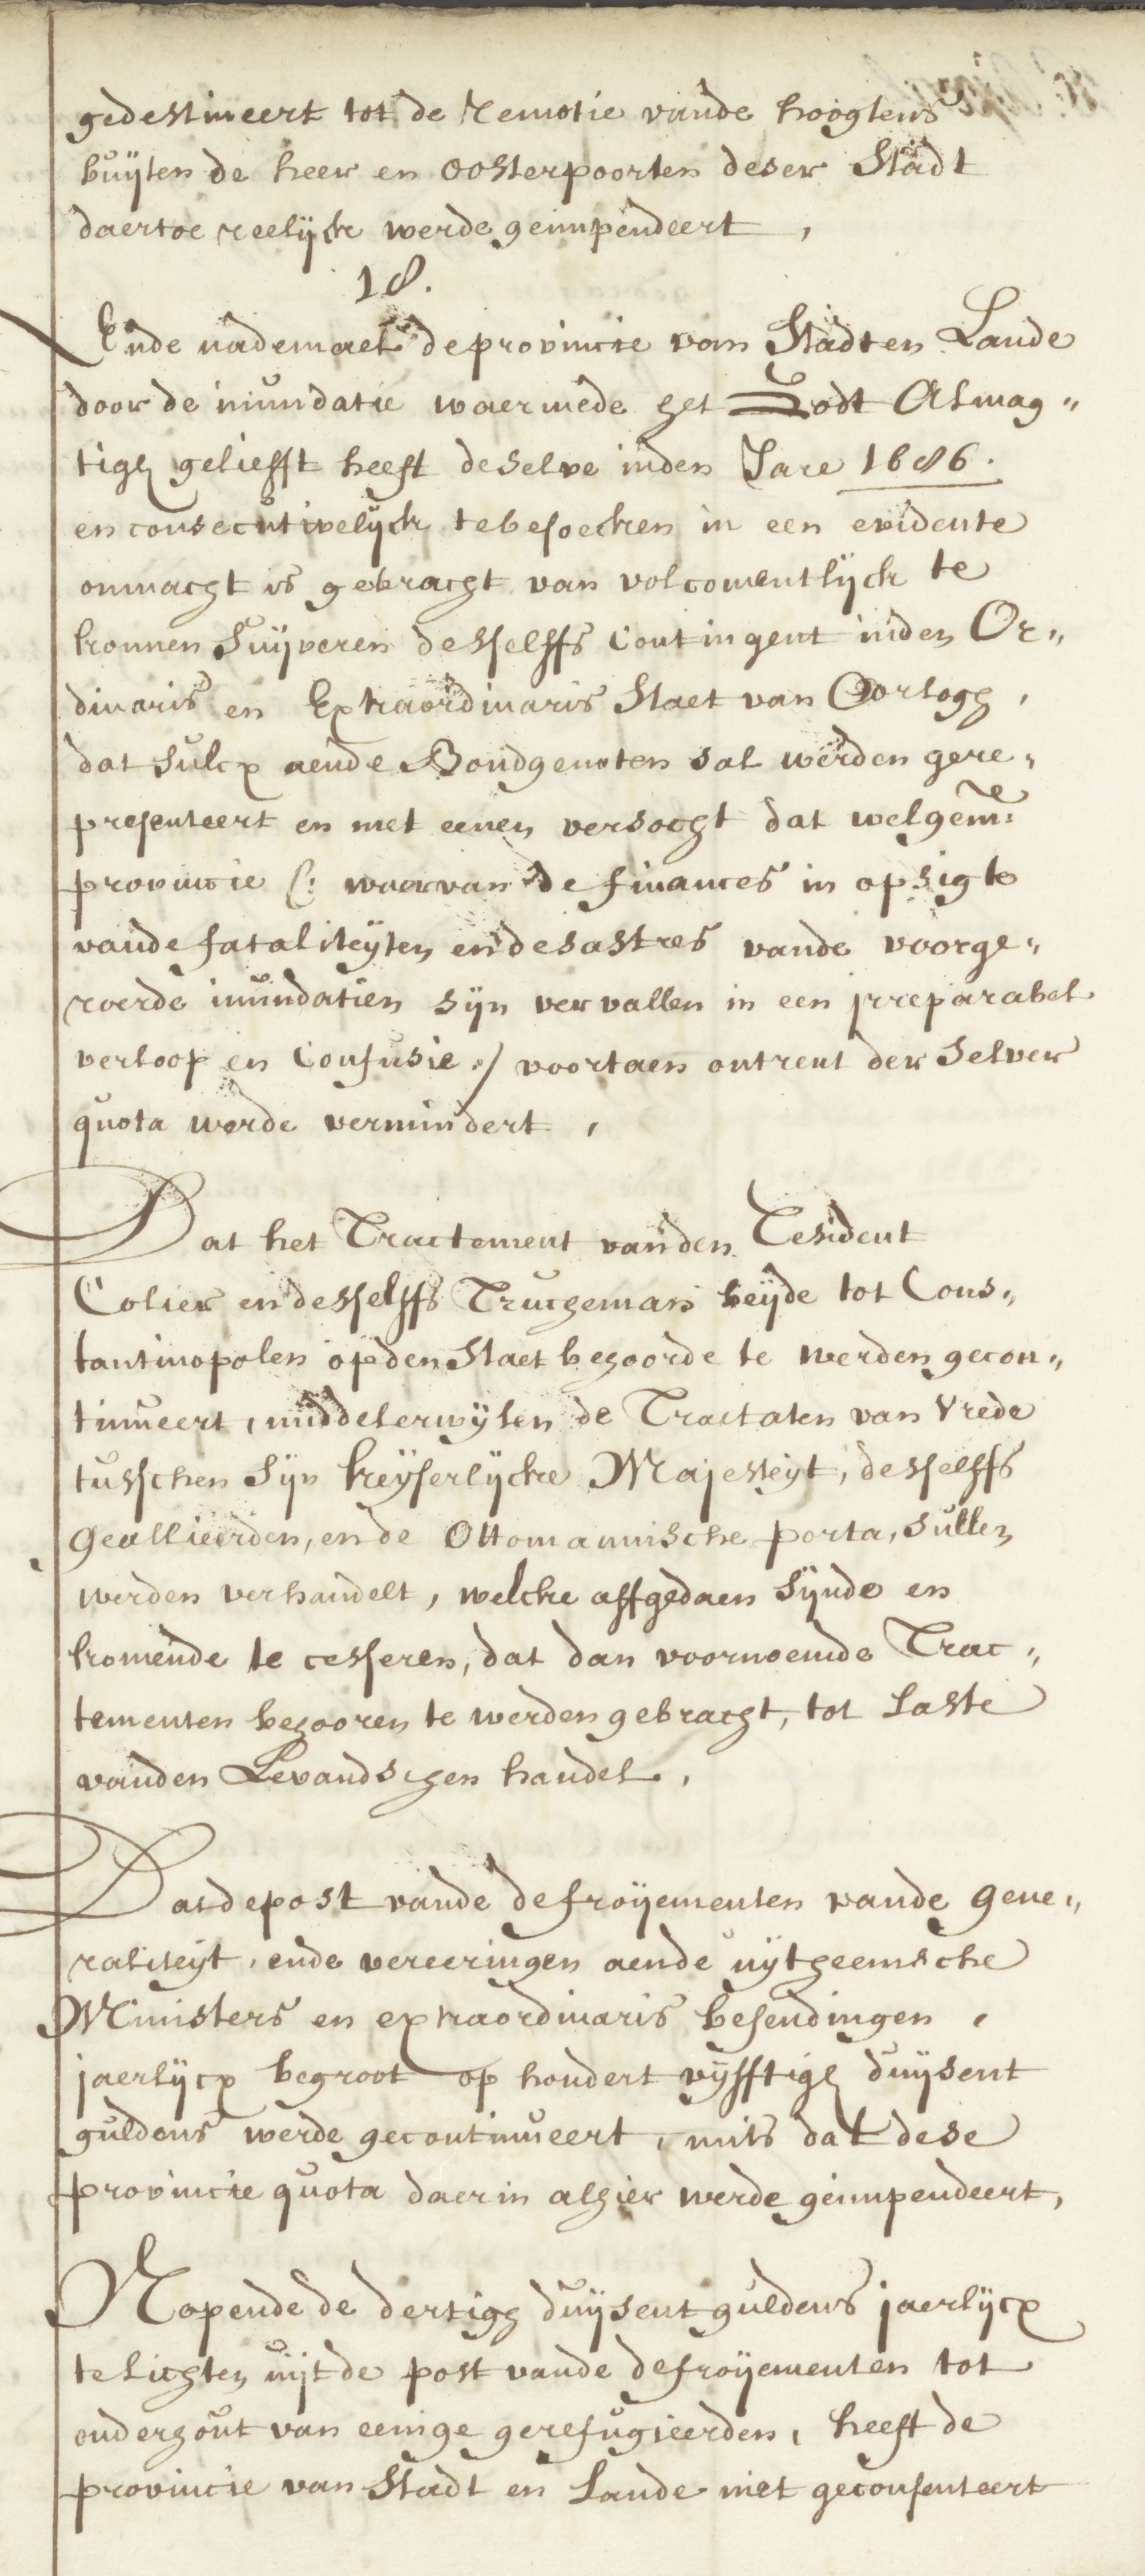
gedestineert tot de remotie vande hoogtens
buijten de heeren Oosterpoorten deser Stadt
daertoe reelijck werde geimpendeert.
18.
Ende nademael de provincie van Stadt en Lande
door de inundatie waermede het Godt Almag,,
tigh geliefft heeft deselve inden Jare 1686.
en consecutivelijck te besoecken in een evidente
onmacht is gebracht van volcomentlijck te
konnen Suijveren desselffs Contingent inden Or„
dinaris en Extiaordinaris Staet van Oorlogh,
dat sulcx aende Bondgenoten sal werden gere„
presenteert en met eenen versocht dat welgem:
provincie (: waervan de finances in opsigte
vande fataliteijten en desastres vande voorge„
roerde inundatien sijn vervallen in een irreparabel
verloop en confusie:) voortaen ontrent der selver
quota worde vermindert,
Dat het Tractement vanden Resident
Colier en desselffs Trucheman beijde tot Cons„
tantinopolen opden Staet behoorde te werden gecon„
tinueert, middelerwijlen de Tractaten van Vrede
tusschen sijn Keijserlijcke Majesteijt, desselffs
geallieerden, ende Ottomannische porta, sullen
werden verhandelt, welcke affgedaen sijnde en
komende te cesseren, dat dan voornoemde Trac„
tementen behooren te werden gebracht, tot Laste
vanden Levandschen handel,
Dat de post vande defroijementen vande gene„
raliteijt, ende vereeringen aende uijtheemsche
Ministers en extaordinaris besendingen.
jaerlijcx begroot op hondert vijfftigh duijsent
guldens werde gecontinueert, mits dat dese
provincie quota daer in alhier werde geimpendeert.
Nopende de dertigh duijsent guldens jaerlijcx
te lichten uijt de post vande defroijementen tot
onderhout van eenige gerefugieerden, heeft de
provincie van Stadt en Lande niet geconsenteert
